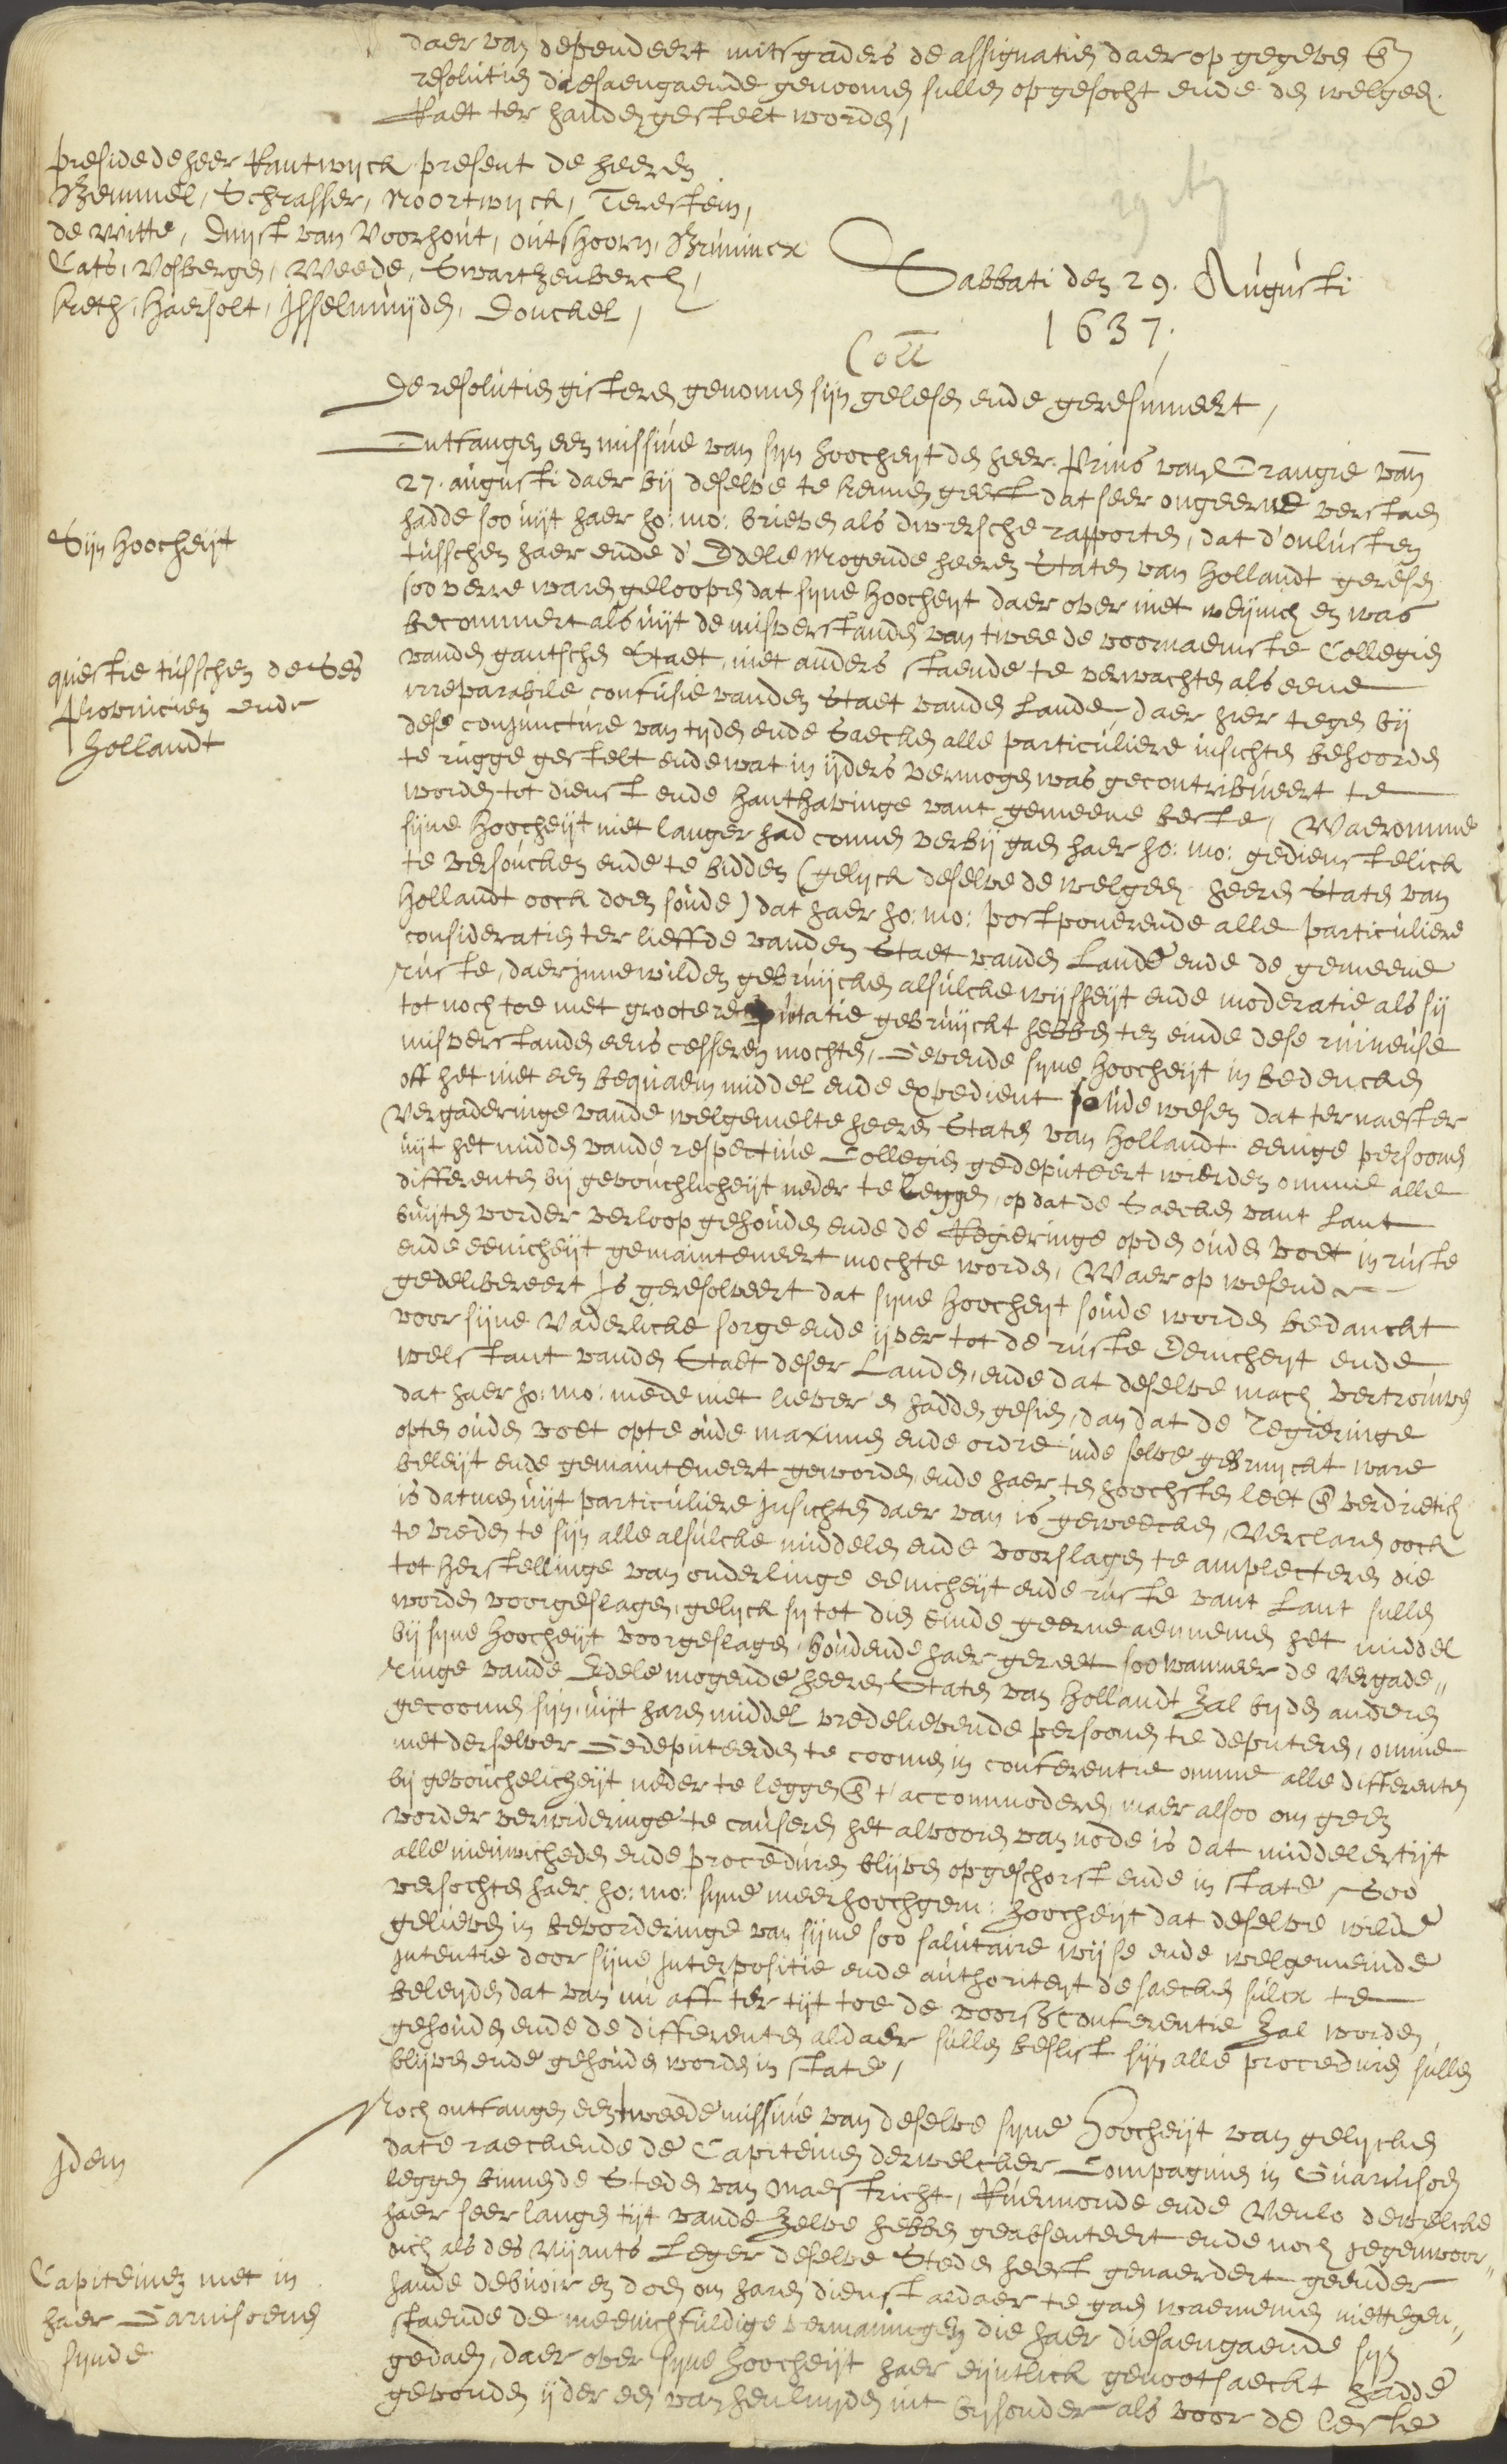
daer van dependeert mitsgaders de assignatien daerop gegeven &
resolutien diesaengaende genoomen sullen opgesocht ende den welgee.
Raet ter handen gestelt worden.
Sabbati den 29. Augusti
1637.
Preside de heer Rantwyck present de heeren
Bemmel, Schrasser, Noortwyck, Terestein,
de Witte, Duyst van Voorhout, outshoorn, Brunincx
Cats, Vosbergen, Weede, Swartzenberch,
Keth, Haersolt, Isselmuijden, Donckel.
Sijn hoocheijt
questie tusschen de ses
Provincien ende
Hollandt
Coll
De resolutien gisteren genomen sijn gelesen ende geresumeert
Ontfangen een missive van syn hoocheyt den heer Prins van Orangie van
27. augusti daer bij deselve te kennen geeft dat seer ongeerne verstaen
hadde soo uijt haer ho:mo: brieven als diversche rapporten, dat d'onlusten
tusschen haer ende d'Edele Mogende heeren Staten van Hollandt geresen
soo verre waren geloopen dat syne hoocheyt daer over niet weijnich en was
becommert als uijt de misverstanden van tweede voornaemste Collegien
vanden gantschen Staet, niet anders staende te verwachten als eene
irreparabile confusie vanden Staet vanden Lande daer hier tegen bij
dese conjuncture van tyden ende Saecken alle particuliere insichten behoorden
te rugge gestelt ende wat in ijders vermogen was gecontribueert te
worden tot dienst ende hanthavinge vant gemeene beste. Waeromme
sijne Hoocheijt niet langer had connen verbij gaen haer ho:mo: gedienstelick
te versoucken ende te bidden (gelyck deselve de welgee. heeren Staten van
hollandt oock doen soude) dat haer ho:mo: postponerende alle particuliere
consideratien ter lieffde vanden Staet vanden Lande ende de gemeene
ruste, daerinne wilden gebruijcken alsulcke wijsheijt ende moderatie als sij
tot noch toe met groote reputatie gebruijckt hebben ten einde dese ruineuse
misverstanden eens cesseren mochten. Gevende syne hoocheijt in bedencken
off het niet een bequaem middel ende expedient soude wesen dat ter naester
Vergaderinge vande welgemelte heeren Staten van Hollandt eenige persoonen
uijt het midden vande respectiue Collegien gedeputeert wierden omme alle
differenten bij gevouchlicheijt neder te leggen, op dat de Saecken vant Lant
buijten vorder verloop gehouden ende de Regieringe opden ouden voet in ruste
ende eenicheijt gemainteneert mochte worden. Waerop wesende
gedelibereert Is geresolveert dat syne Hoocheyt soude worden bedanckt
voor sijne Vaderlicke sorge ende ijver tot de ruste Eenicheyt ende
welstant vanden Staet deser Landen, ende dat deselve mach vertrouwen
dat haer ho:Mo: mede met liever en hadden gesien, dan dat de regieringe
opten ouden voet opte oude maximen ende ordre inde selve gebruyckt ware
beleijt ende gemainteneert geworden, ende haer ten hoochsten leet & verdrietich
is datmen uijt particuliere insichten daer van is geweecken. Verclaren oock
te vreden te sijn alle alsulcke middelen ende voorslagen te amplecteren die
tot herstellinge van onderlinge eenicheijt ende ruste vant Lant sullen
worden voorgeslagen, gelyck sy tot dien einde geerne aennemen het middel
bij syne hoocheijt voorgeslagen, houdende haer gereet soo wanneer de Vergade„
ringe vande Edele mogende heeren Staten van Hollandt zal by den anderen
gecoomen sijn, uijt haren middel vredelievende persoonen te deputeren, omme
met derselver Gedeputeerden te coomen in conferentie omme alle differenten
bij gevouchelicheijt neder te leggen & t'accommoderen, maer alsoo om geen
vorder verwideringe te causeren het alvooren van node is dat middelertijt
alle nieuwicheden ende proceduren blijven opgeschorst ende in state, soo
versochten haer ho:mo: sijne meerhoochgem: hoocheijt dat deselve wilde
gelieven in bevorderinge van sijne soo salutaire wijse ende welgemeinde
Intentie door sijne Interpositie ende authoriteyt de saecken sulcx te
beleyden dat van nu aff ter tijt toe de voors conferentie zal worden
gehouden ende de differenten aldaer sullen beslist sijn alle proceduren sullen
blijven ende gehouden worden in state.
Idem
Capiteinen niet in
haer Garnisoenen
synde
Noch ontfangen een tweede missiue van deselve syne Hoocheijt van gelycken
date raeckende de Capiteinen derwelcker Compagnien in Guarnisoen
leggen binnen de Steden van maestricht, Ruermonde ende Venlo dewelcke
haer seer langen tijt vande zelve hebben geabsenteert ende noch jegenwoor„
dich als des vijants Leger deselve Steden heeft genaerdert geender
hande debuoir en doen om haren dienst aldaer te gaen waernemen niettegen„
staende de meenichfuldige vermaningen die haer diesaengaende syn
gedaen, daer over syne hoocheijt haer eijntlick genootsaeckt hadde
gevonden ijder een van henluyden int bysonder als voor de leste
